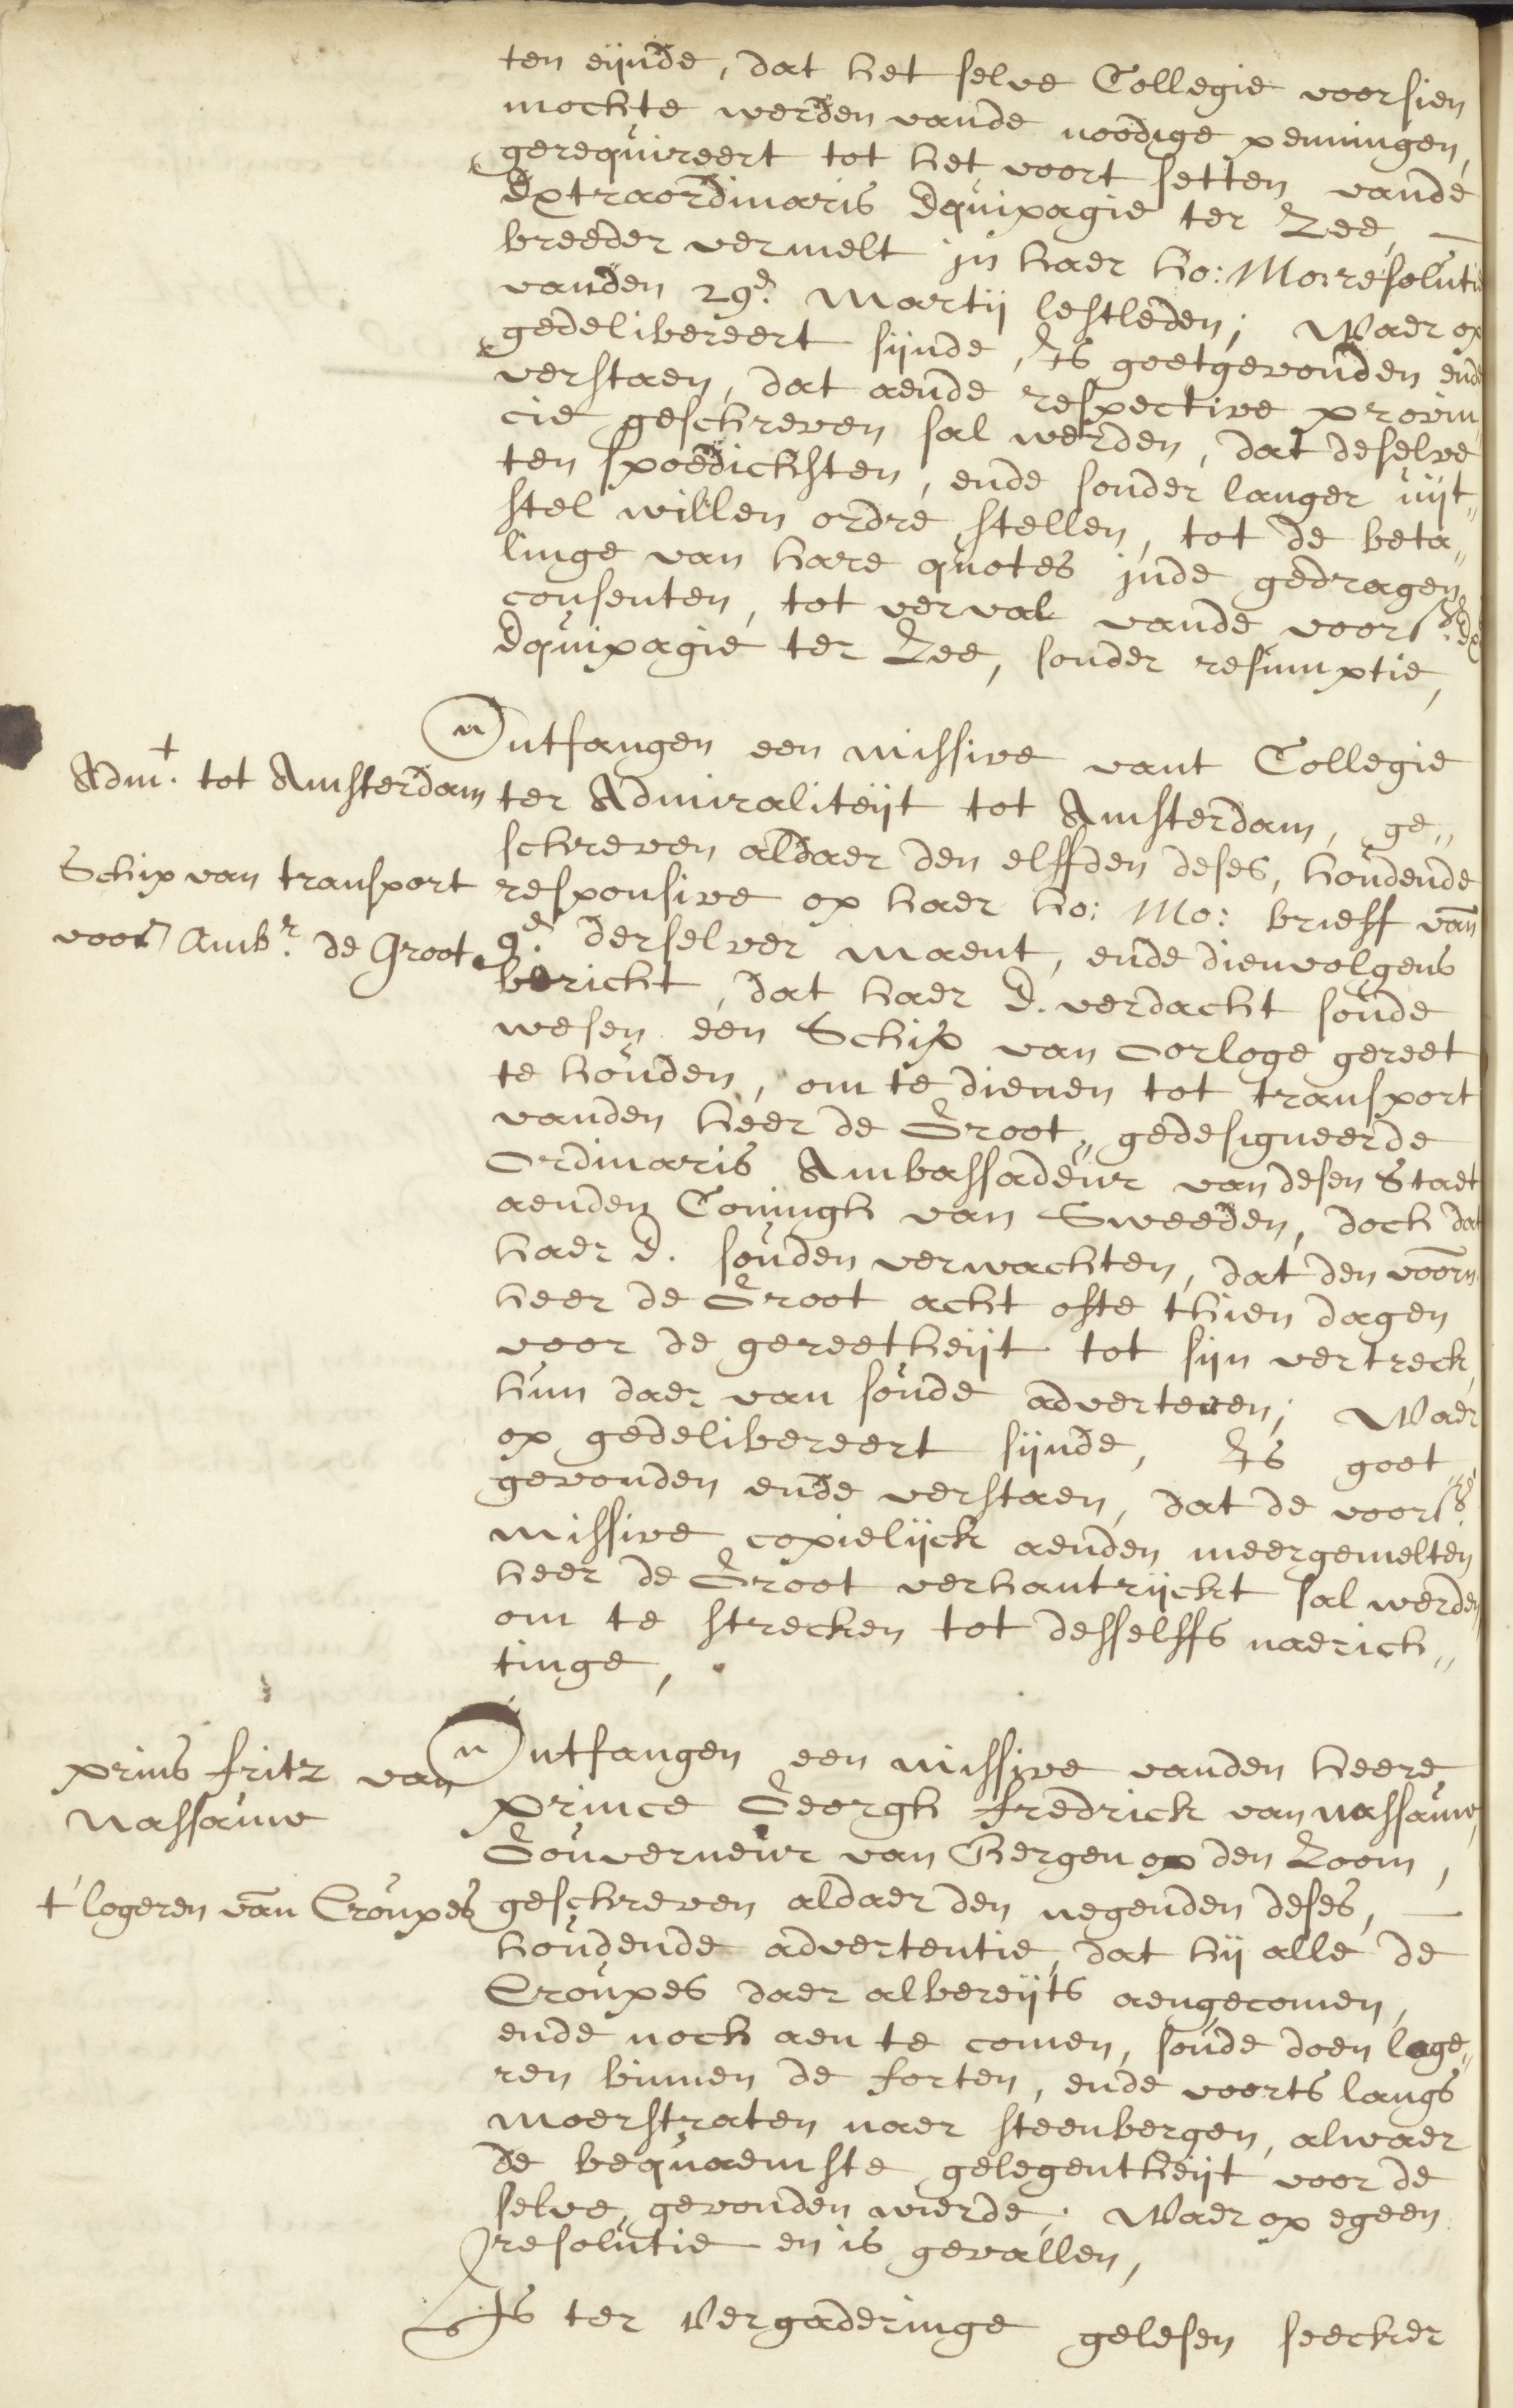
ten eijnde, dat het selve Collegie voorsien
mochte werden vande noodige penningen,
gerequireert tot het voort setten vande
Extraordinaris Equipagie ter Zee,
breeder vermelt in haer Ho:Mo: resolutie
vanden 29en. Martij lestleden; Waerop
gedelibereert sijnde, Is goetgevonden ende
verstaen, dat aende respective provin„
cie geschreven sal werden, dat deselve
ten spoedichsten, ende sonder langer uijt„
stel willen ordre stellen, tot de beta„
linge van hare quotes inde gedragen
consenten tot verval vande voors. Ex.
Equipagie ter Zee, sonder resumptie.
Admt. tot Amsterdam
Schip van transport
voor Ambr. de Groot
Ontfangen een missive vant Collegie
ter Admiraliteijt tot Amsterdam, ge„
schreven aldaer den elffden deses, houdende
responsive op haer Ho:Mo: brieff van
9en. derselver maent, ende dienvolgens
bericht, dat haer E. verdacht soude
wesen, den Schip van Oorloge gereet
te houden, om te dienen tot transport
vanden heer de Groot, gedesigneerde
Ordinaris Ambassadeur van desen Staet
aenden Coningh van Sweeden, doch dat
haer E. souden verwachten, dat den voorn
heer de Groot acht ofte thien dagen
voor de gereetheijt tot sijn vertreck,
hun daer van soude adverteren; Waer
op gedelibereert sijnde, Is goet„
gevonden ende verstaen, dat de voors.
missive copielijck aenden meergemelten
heer de Groot verhantrijckt sal werden,
om te strecken tot desselffs naerich„
tinge.
prins Fritz van
nassauw
t' logeren van Troupes
Ontfangen een missive vanden heere
Prince Georgh Fredrick van nassauw,
Gouverneur van Bergen op den Zoom,
geschreven aldaer den negenden deses,
houdende advertentie, dat hij alle de
Troupes, daer albereijts aengecomen,
ende noch aen te comen, soude doen loge„
ren binnen de forten, ende voorts langs
moerstraten naer steenbergen, alwaer
de bequaemste gelegentheijt voor de
selve gevonden wierde; Waerop egeen
resolutie en is gevallen
Is ter Vergaderinge gelesen seecker
